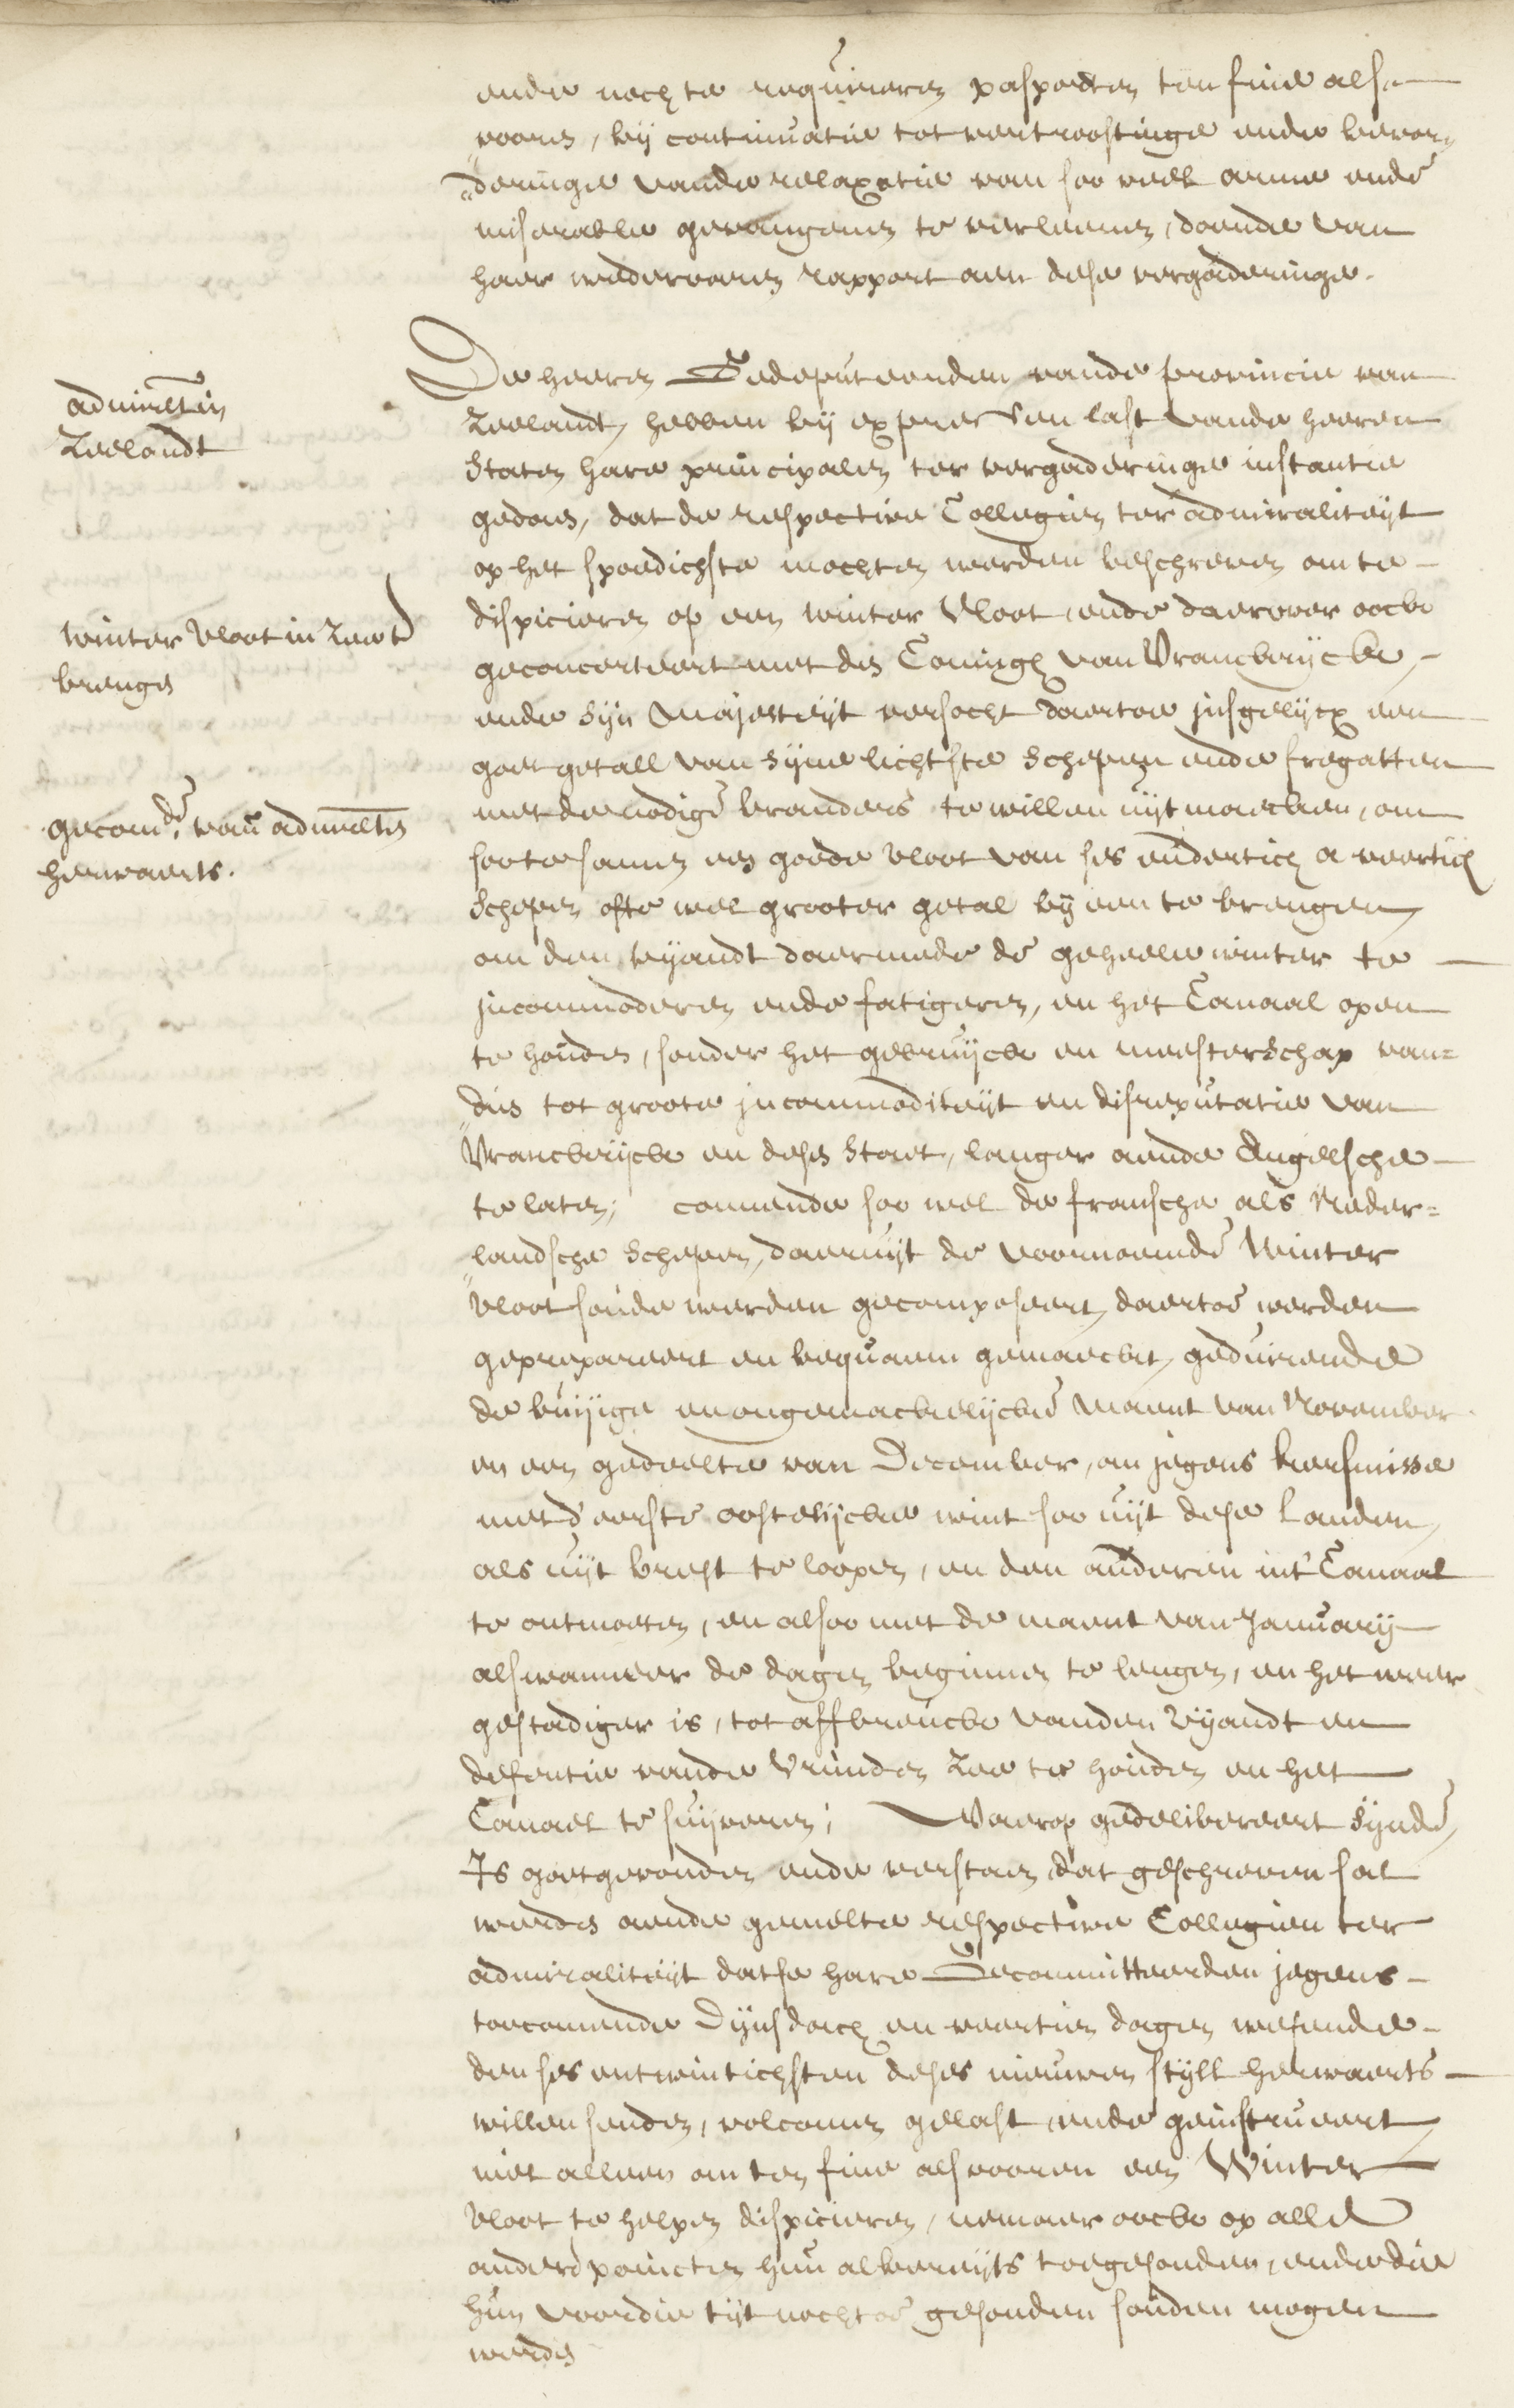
ende noch te requireren pasporten ten fine alse
vooren, bij continuatie tot vertroostinge ende bevor,,
„deringe vande relaxatie van soo veel arme ende
miserable gevangenen te verleenen, doende van
haer wedervaren rapport aen dese vergaderinge.
admirlt in
Zeelandt
winter vloot in zee te
brengen
gecomden. van admrlten
herwaerts.
De heeren Gedeputeerden vande provincie van
Zeelandt, hebben bij expressen last vande heeren
Staten hare principalen ter vergaderinge instantie
gedaen, dat de respective Collegien ter admiraliteijt
op het spoedichste mochten werden beschreven om te -
dispicieren op een winter Vloot, ende daervoor oock
geconcerteert met den Coningh van Vranckrijck, -
ende sijn Majesteijt versocht daertoe insgelijcx een
goet getall van sijne lichtste schepen ende fregatten
met de nodige branders te willen uijtmaecken, om
soo te samen een goede vloot van ses endertich a veertich
schepen ofte wel grooter getal bij een te brengen,
om den vijandt daermede de geheele winter te
incommoderen ende fatigeren, en het Canaal open
te houden, sonder het gebruijck en meesterschap van,,
„dien tot groote incommoditeijt en disreputatie van
Vranckrijck en desen Staet, langer aende Engelsche
te laten; connende soo wel de fransche als Neder=
„landsche schepen, daeruijt de voornoemde winter
vloot soude werden gecomposeert, daertoe werden
geprepareert en bequaem gemaeckt, geduirende
de buijige en ongemackelijcke maent van November
en een gedeelte van December, om jegens kersmisse
met d'eerste oostelijcke wint soo uijt dese Landen,
als uijt brest te loopen, en dan anderen int'Canaal
te ontmoeten, en alsoo met de maent van Januarij —
als wanneer de dagen beginnen te lengen, en het weer
gestadiger is, tot affbreuck vanden vijandt en
defentie vande Vrunden zee te houden, en het
Canael te suijveren: Waerop gedelibereert sijnde,
Is goetgevonden ende verstaen, dat geschreven sal
werden aende gemelte respective Collegien ter
admiraliteijt datse hare Gecommitteerden jegens -
toecomende Dijnsdach en veertien dagen wesende -
den ses entwintichsten deses nieuwen stijll herwaerts —
willen senden, volcomen gelast, ende geinstrueert
niet alleen om ten fine alsvooren een Winter
vloot te helpen dispicieren, nemaer oock op alle
andere poincten hun albereijts toegesonden, ende die
hun voor die tijt noch toegesonden souden mogen
werden
